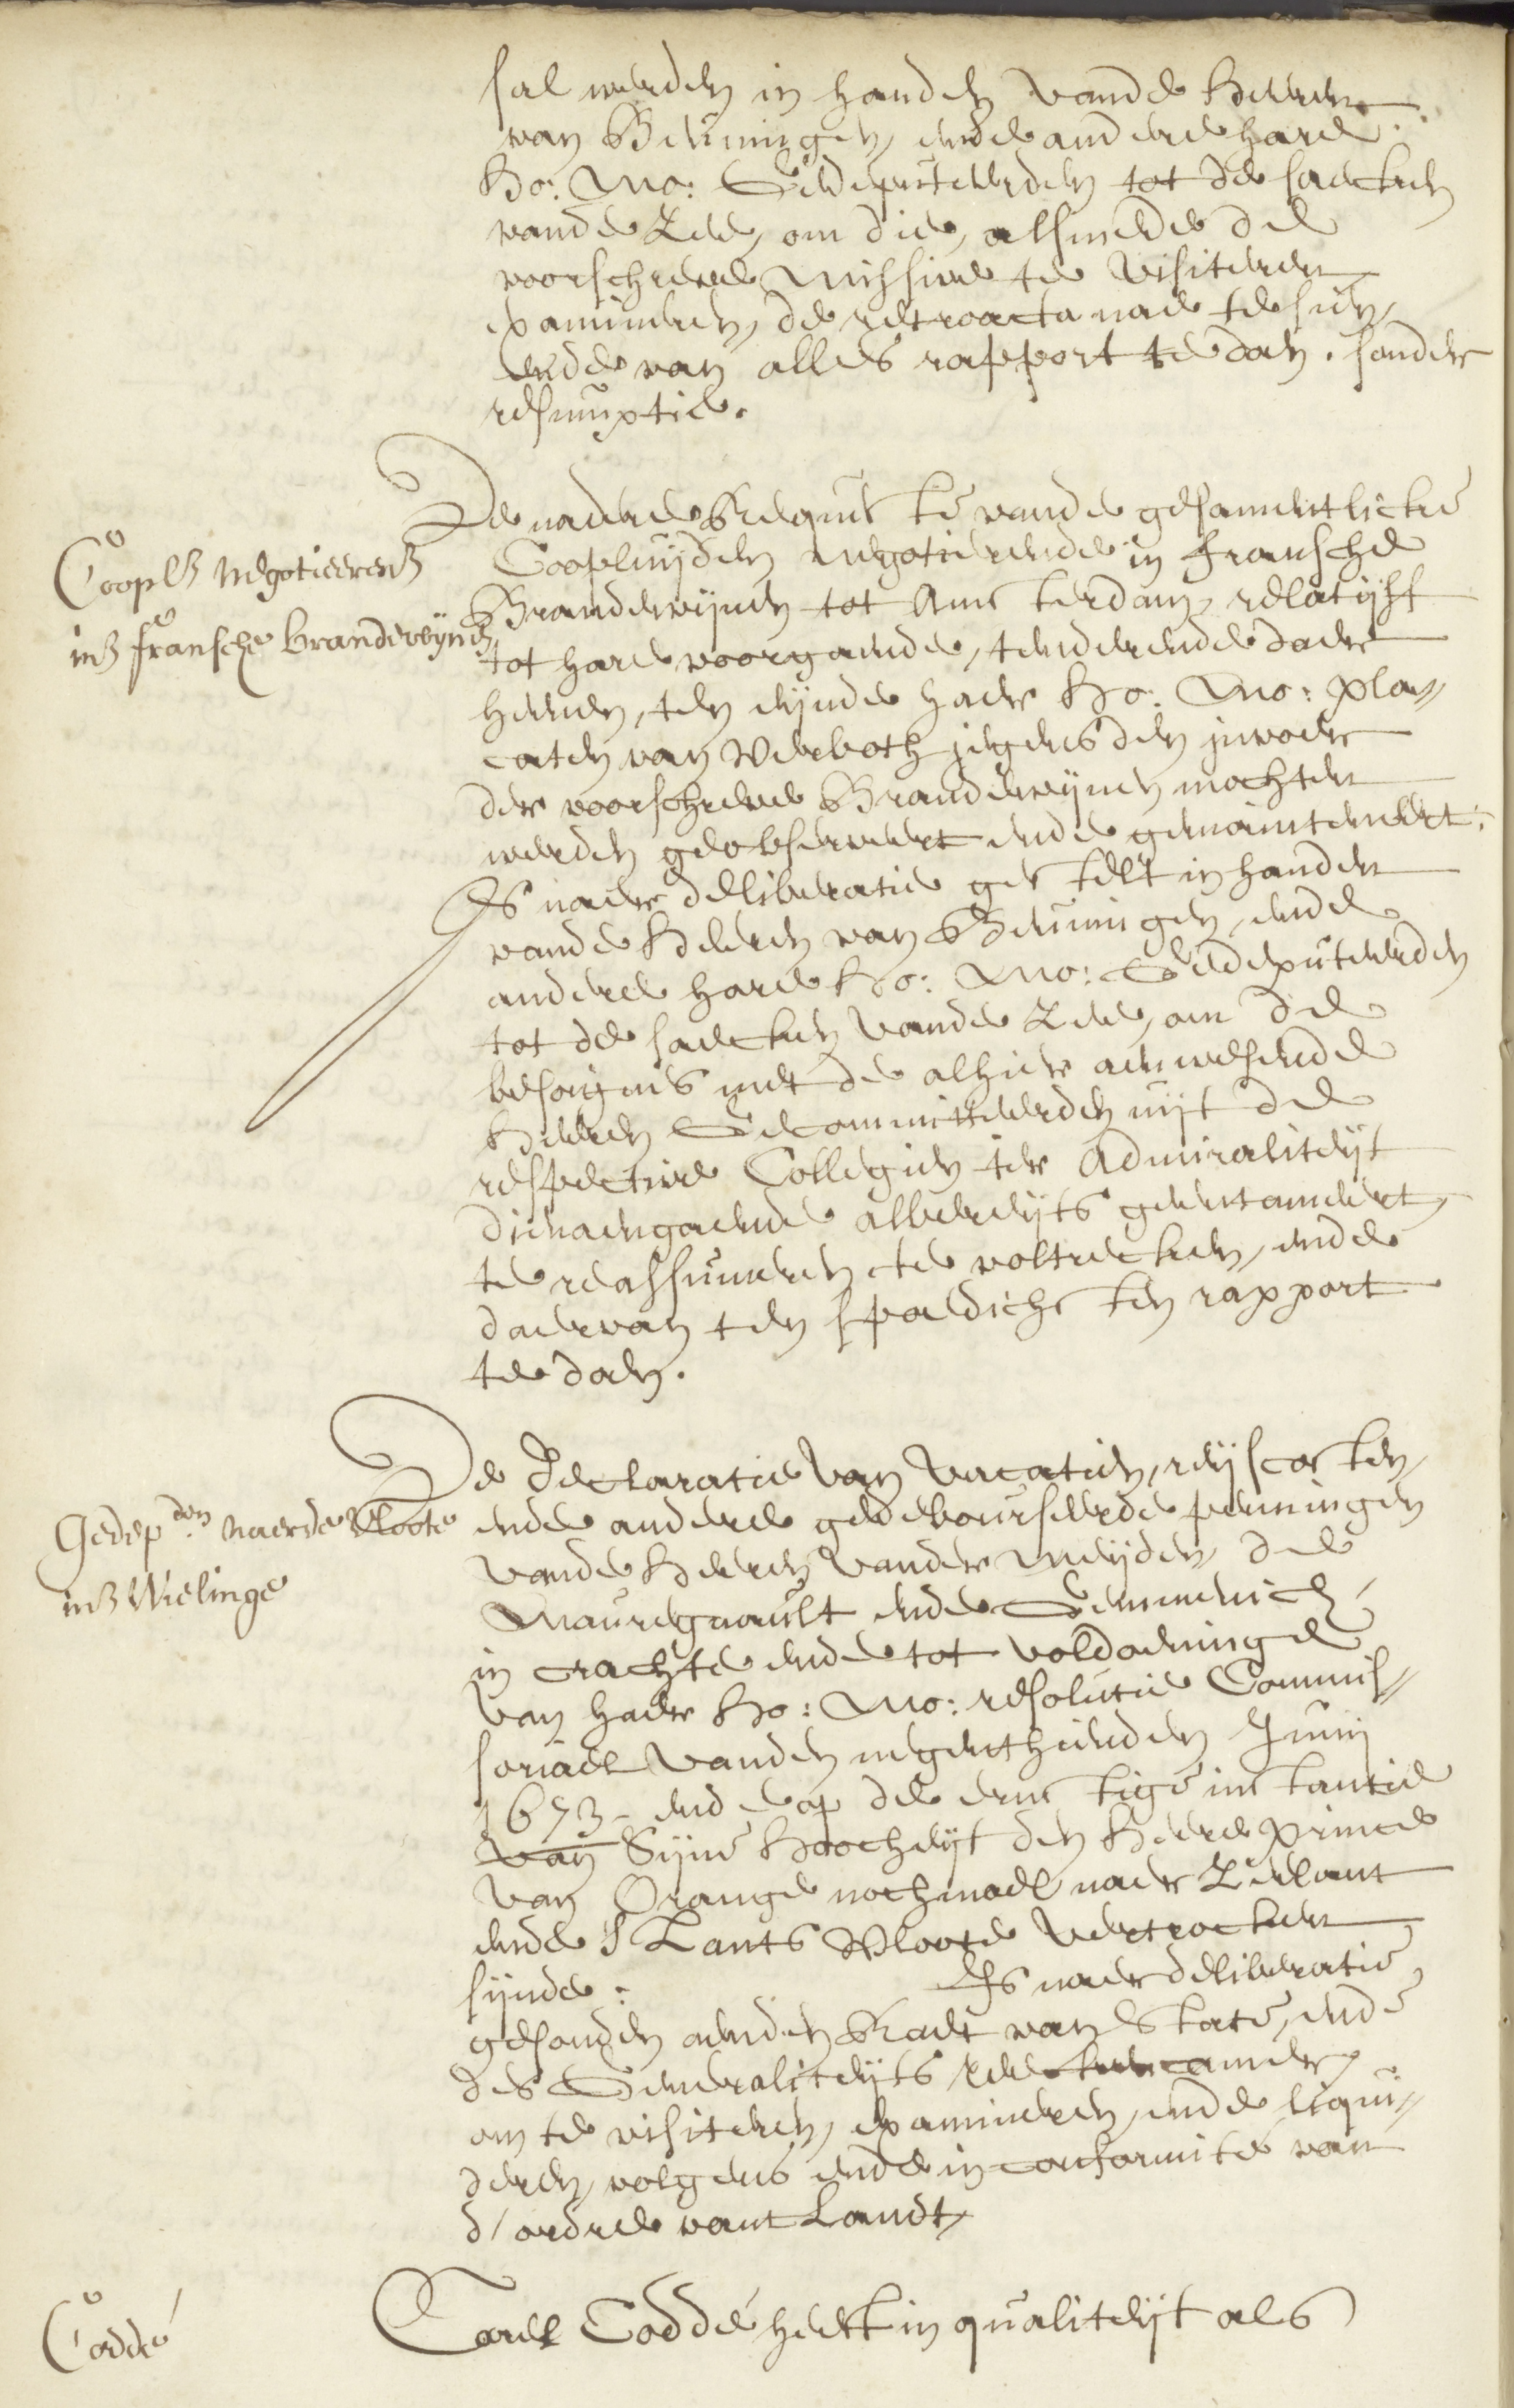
sal werden in handen vande Heeren
van Beuningen, ende andere hare
Ho:Mo: Gedeputeerden tot de saecken
vande Zee, om die, alsmede de
voorschreve missive te visiteren,
examineren, de retroacta nae te sien,
ende van alles rapport te doen, sonder
resumptie.
Coopl. negotieeren
in Fransche Brandewijnen
De nadere Requeste vande gesamentlicke
Coopluijden negotierende in fransche
Brandewijnen tot Amsterdam, relatijff
tot hare voorgaende, tenderende daer
heenen, ten eijnde haer Ho:Mo: pla„
caten van Verboth jegens den invoer
der voorschreve Brandewijnen mochten
werden geobserveert ende gemainteneert;
Is naer deliberatie gestelt in handen
vande Heeren van Beuningen, ende
andere hare Ho:Mo: Gedeputeerden
tot de saecken vande Zee, om de
besoignes met de alhier aenwesende
Heeren Gecommitteerden uijt de
respective Collegien ter Admiraliteijt
dienaengaende albereijts geentameert,
te reassumeren te voltrecken, ende
daervan ten spoedichsten rapport
te doen.
Gedepden. naerde Vloote
in Wielinge
De declaratie van vacatien, reijscosten,
ende andere gedebourseerde penningen
vande Heeren vander Meijden, de
Mauregnault ende Gemmenich,
in crachte ende tot voldoeninge
van haer Ho:Mo: resolutie Commis„
soriael vanden negenthienden Junij
1673. ende op de ernstige instantie
van Sijne Hoocheijt den Heere Prince
van Orange nochmael naer Zeelant
ende Lants Vloote vertrocken
sijnde: Is naer deliberatie
gesonden aenden Raet van State, ende
des Generaliteijts reeckencamer,
om te visiteren, examineren, ende liqui„
deren, volgens ende in conformité van
d'ordre vant Landt.
Coddé
Carel Coddé heeft in qualiteijt als
